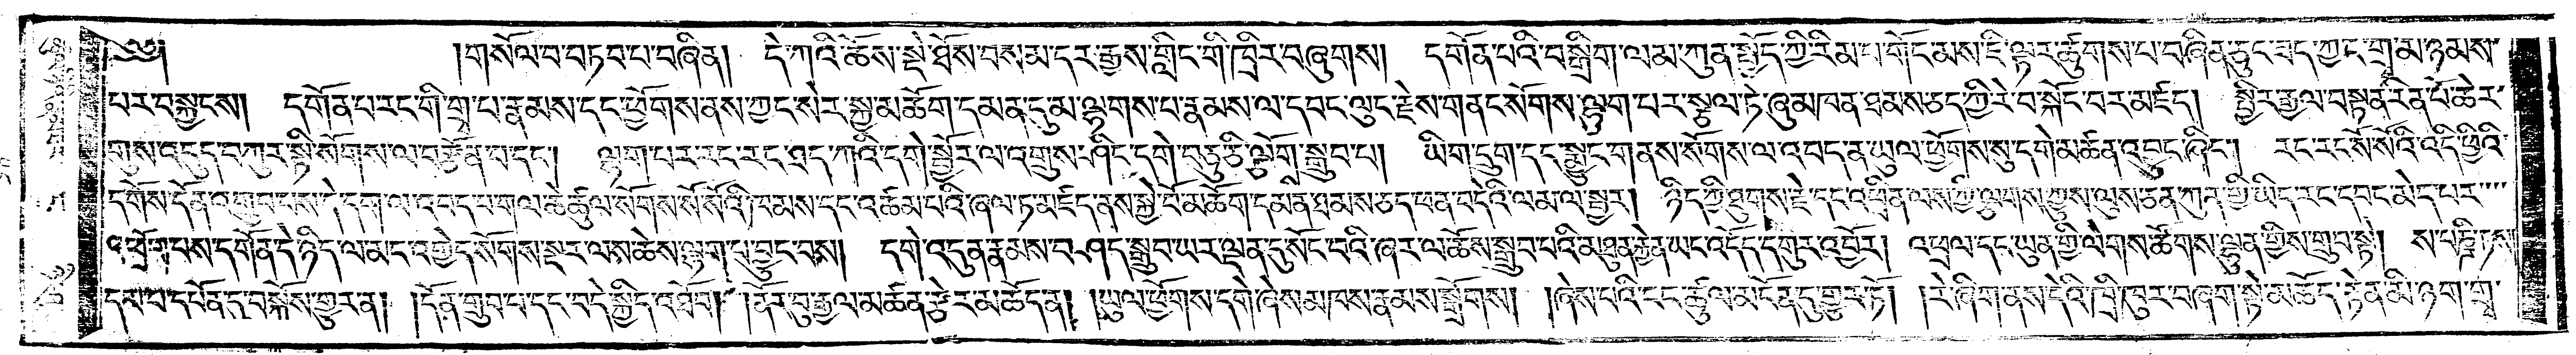༄༅། །གསོལ་བ་བཏབ་པ་བཞིན། དེ་ཀའི་ཆོས་སྡེ་ཐོས་བསམ་དར་རྒྱས་གླིང་གི་ཁྲིར་བཞུགས། དགོན་བའི་བསྒྲིག་ལམ་ཀུན་སྤྱོད་ཀྱི་རིམ་བ་གོང་མས་ཇི་ལྟར་ཚུགས་པ་བཞིན་ཅུང་ཟད་ཀྱང་གྲྭ་མ་ཉམས་
པར་བསྐྱངས། དགོན་པ་རང་གི་གྲྭ་པ་རྣམས་དང་ཕྱོགས་ནས་ཀྱང་སེར་སྐྱ་མཆོག་དམན་དུ་མ་ལྷགས་པ་རྣམས་ལ་དབང་ལུང་རྗེས་གནང་སོགས་ལྷུག་བར་སྩལ་ཏེ་ཞུ་མཁན་ཐམས་ཅད་ཀྱི་རེ་བ་སྐོང་བར་མཛད། སྤྱིར་རྒྱལ་བསྟན་རིན་པོ་ཆེར་
གུས་འདུད་བཀུར་སྟི་སོགས་ལ་བརྩོན་པ་དང་། ལྷག་པར་རང་རང་ཐད་ཀའི་དགེ་སྦྱོར་ལ་འགྲུས་ཤིང་དགེ་བཅུ་ཅི་ལྕོག་སྒྲུབ་པ། ཡིག་དྲུག་དང་སྨྱུང་གནས་སོགས་ལ་འབད་ན་ཡུལ་ཕྱོགས་སུ་དགེ་མཚན་འབྱུང་ཞིང་། རང་རང་སོ་སོའི་འདི་ཕྱིའི་
དགོས་དོན་འགྲུབ་པས་དེ་དག་ལ་འབད་བ་གལ་ཆེ་ཚུལ་སོགས་སོ་སོའི་ཁམས་དང་འཚམ་པའི་ཞལ་ཏ་མཛད་ནས་སྐྱེ་བོ་མཆོག་དམན་ཐམས་ཅད་ཕན་བདེའི་ལམ་ལ་སྤྱར། ཉིད་ཀྱི་ཐུགས་རྗེ་དང་འཕྲིན་ལས་ཀྱི་ལྕགས་ཀྱུས་ལུས་ཅན་ཀུན་གྱི་ཡིད་རང་དབང་མེད་པར་
འཕྲོག་པས་དགོན་དེ་ཉིད་ལ་མང་འགྱེད་སོགས་སྔར་ལས་ཆེས་ལྷག་པ་བྱུང་བས། དགེ་འདུན་རྣམས་བཤད་སྒྲུབ་ཡར་ལྡན་དུ་སོང་བའི་ཞར་ལ་ཆོས་སྒྲུབ་པའི་མཐུན་རྐྱེན་ཡང་འདོད་དགུར་འབྱོར། འཕྲལ་དང་ཡུན་གྱི་ལེགས་ཚོགས་ལྷུན་གྱིས་གྲུབ་སྟེ། ས་པཎྜི་ཏས་
དམ་པ་དཔོན་དུ་བསྐོས་གྱུར་ན། །དོན་གྲུབ་བ་དང་བདེ་སྐྱིད་འཐོབ། །ནོར་བུ་རྒྱལ་མཚན་རྩེར་མཆོད་ན། །ཡུལ་ཕྱོགས་དགེ་ཞེས་མཁས་རྣམས་སྒྲོགས། །ཞེས་པའི་ངང་ཚུལ་མངོན་དུ་གྱུར་ཏོ། །རེ་ཞིག་ནས་དེའི་ཁྲི་ཁུར་བཞག་སྟེ་མཆོད་རྟེན་མི་ཉག་གྲྭ་